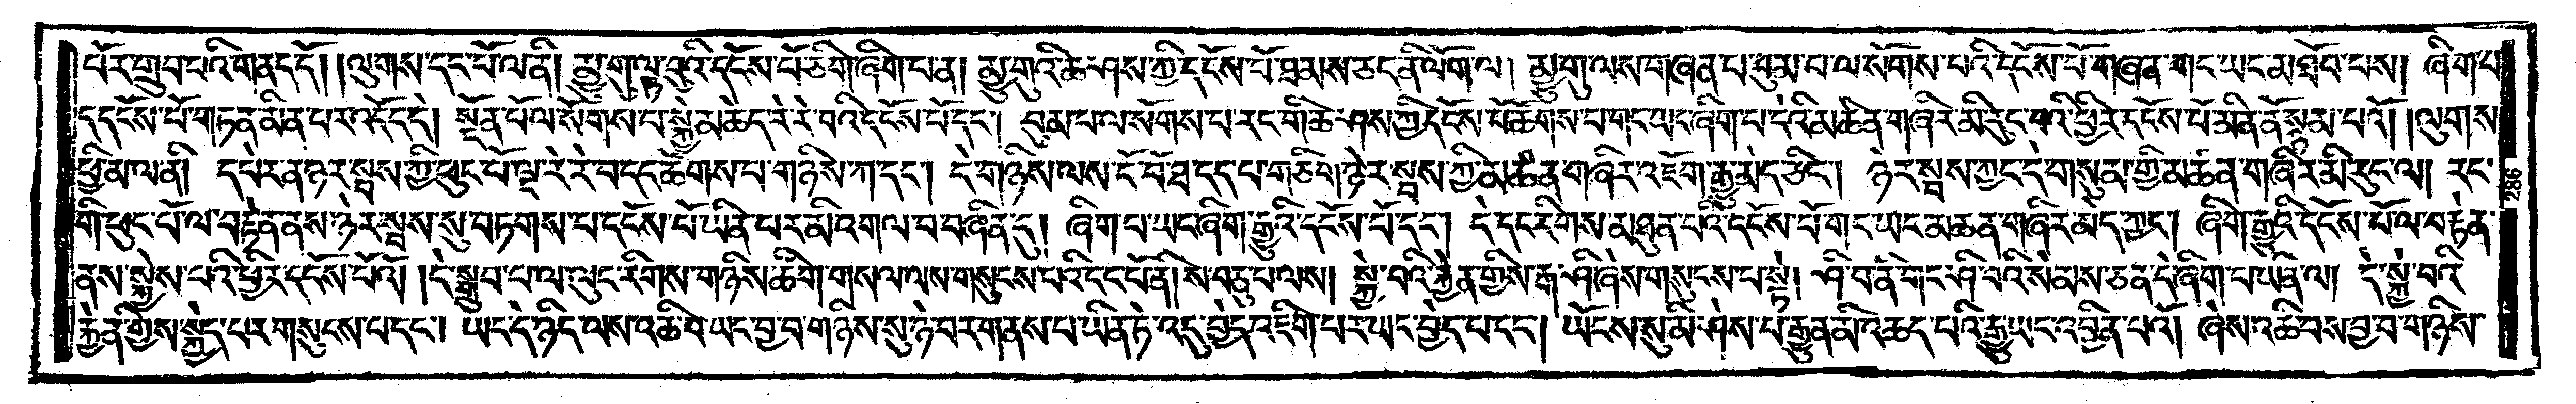པོར་གྲུབ་པའི་གནད་དོ། །ལུགས་དང་པོ་ལ་ནི། མྱུ་གུ་ལྟ་བུའི་དངོས་པོ་ཅིག་ཞིག་པ་ན། མྱུ་གུའི་ཆ་ཤས་ཀྱི་དངོས་པོ་ཐམས་ཅད་ནི་ལོག་ལ། མྱུ་གུ་ལས་གཞན་པ་བུམ་པ་ལ་སོགས་པའི་དངོས་པོ་གཞན་གང་ཡང་མ་ཐོབ་པས། ཞིག་པ་
དེ་དངོས་པོ་གཏན་མིན་པར་འདོད་དེ། སྔོན་པོ་ལ་སོགས་པ་སྐྱེ་མཆེད་རེ་རེ་བའི་དངོས་པོ་དང་། བུམ་པ་ལ་སོགས་པ་རང་གི་ཆ་ཤས་ཀྱི་དངོས་པོ་ཚོགས་པ་གང་ཡང་ཞིག་པ་དེའི་མཚན་གཞིར་མི་རུང་བའི་ཕྱིར་དངོས་པོ་མིན་ནོ་སྙམ་པའོ། །ལུགས་
ཕྱི་མ་ལ་ནི། དཔེར་ན་ཉེར་སྦས་ཀྱི་ཕུང་པོ་ལྔ་རེ་རེ་བ་དང་ཚོགས་པ་གཉིས་ཀ་དང་། དེ་གཉིས་ལས་ངོ་བོ་ཐ་དད་པ་གཅིག་ཉེར་སྦས་ཀྱི་མཚན་གཞིར་འཇོག་རྒྱུ་མེད་ཅིང་། ཉེར་སྦས་ཀྱང་དེ་གསུམ་གྱི་མཚན་གཞིར་མི་རུང་ལ། རང་
གི་ཕུང་པོ་ལ་བརྟེན་ནས་ཉེར་སྦས་སུ་བཏགས་པ་དངོས་པོ་ཡིན་པར་མི་འགལ་བ་བཞིན་དུ། ཞིག་པ་ཡང་ཞིག་རྒྱུའི་དངོས་པོ་དང་། དེ་དང་རིགས་མཐུན་པའི་དངོས་པོ་གང་ཡང་མཚན་གཞིར་མེད་ཀྱང་། ཞིག་རྒྱུའི་དངོས་པོ་ལ་བརྟེན་
ནས་སྐྱེས་པའི་ཕྱིར་དངོས་པོའོ། །དེ་སྒྲུབ་པ་ལ་ལུང་རིགས་གཉིས་ཚིག་གསལ་ལས་གསུངས་པའི་དང་པོ་ནི། ས་བཅུ་པ་ལས། སྐྱེ་བའི་རྐྱེན་གྱིས་རྒ་ཤི་ཞེས་གསུངས་པ་སྟེ། ཤི་བ་ནི་གང་ཤི་བའི་སེམས་ཅན་དེ་ཞིག་པ་ཡིན་ལ། དེ་སྐྱེ་བའི་
རྐྱེན་གྱིས་སྐྱེད་པར་གསུངས་པ་དང་། ཡང་དེ་ཉིད་ལས་འཆི་བ་ཡང་བྱ་བ་གཉིས་སུ་ཉེ་བར་གནས་པ་ཡིན་ཏེ་འདུ་བྱེད་འཇིག་པར་ཡང་བྱེད་པ་དང་། ཡོངས་སུ་མི་ཤེས་པ་རྒྱུན་མི་འཆད་པའི་རྒྱུ་ཡང་འབྱིན་པའོ། ཞེས་འཆི་བས་བྱ་བ་གཉིས་